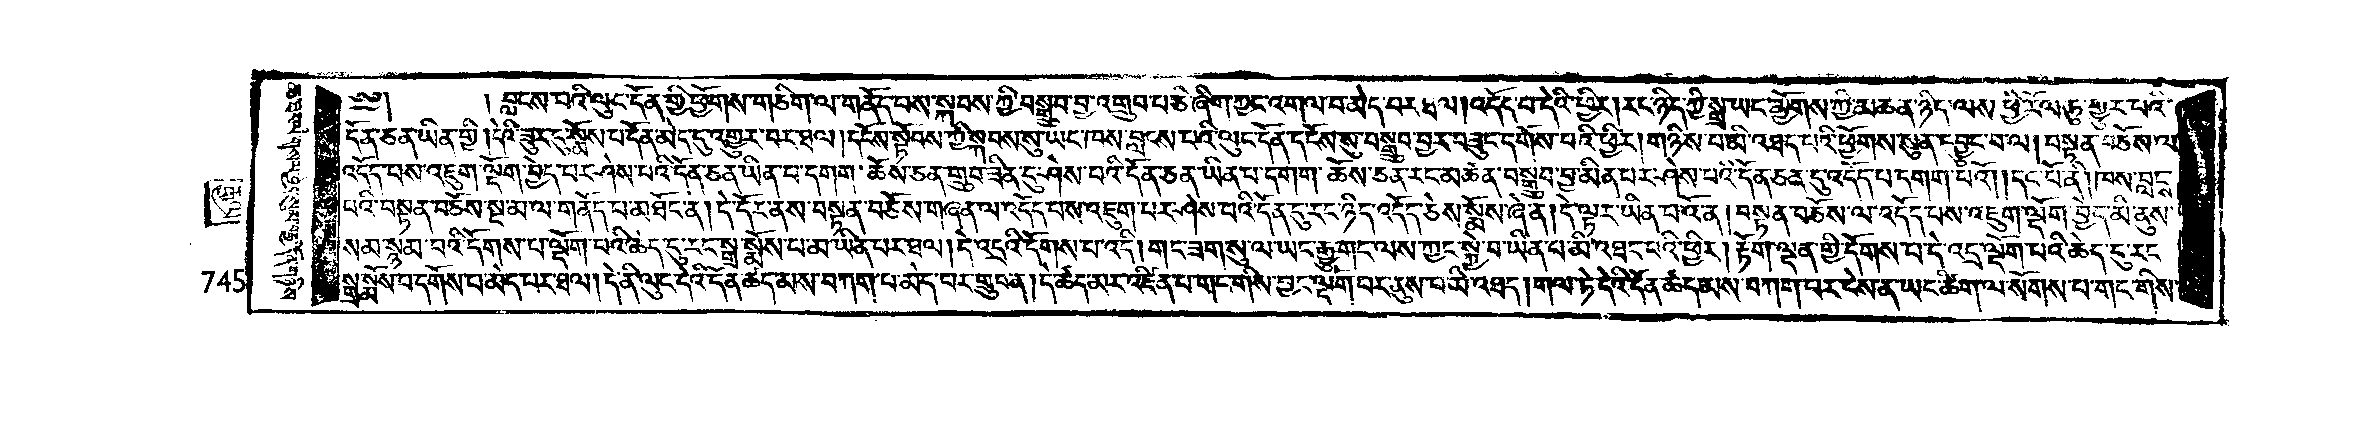༄༅། །བླངས་པའི་ལུང་དོན་གྱི་ཕྱོགས་གཅིག་ལ་གནོད་པས་སྐབས་ཀྱི་བསྒྲུབ་བྱ་འགྲུབ་པ་ཅི་ཞིག་ཀྱང་འགལ་བ་མེད་པར་ཐལ། འདོད་པ་དེའི་ཕྱིར། རང་ཉིད་ཀྱི་སྒྲ་ཡང་མྱོགས་ཀྱི་མཚན་ཉིད་ལས་ཕྱི་རོལ་ཏུ་གྱུར་པའི་
དོན་ཅན་ཡིན་གྱི། དེའི་ཟུར་དུ་སྨོས་པ་དོན་མེད་དུ་འགྱུར་བར་ཐལ། དངོས་སྟོབས་ཀྱི་སྐབས་སུ་ཡང་ཁས་བླངས་པའི་ལུང་དོན་དངོས་སུ་བསྒྲུབ་བྱར་བཟུང་དགོས་པའི་ཕྱིར། གཉིས་པ་མི་འཐད་པའི་ཕྱོགས་སུན་དབྱུང་བ་ལ། བསྟན་བཅོས་ལ་
འདོད་པས་འཇུག་ལྡོག་བྱེད་པར་ཤེས་པའི་དོན་ཅན་ཡིན་པ་དགག་ཆོས་ཅན་གྲུབ་ཟིན་དུ་ཤེས་པའི་དོན་ཅན་ཡིན་པ་དགག་ཆོས་ཅན་རང་མཚན་བསྒྲུབ་བྱ་མིན་པར་ཤེས་པའི་དོན་ཅན་དུ་འདོད་པ་དགག་པའོ། །དང་པོ་ནི། ཁས་བླངས་
པའི་བསྟན་བཅོས་སྔ་མ་ལ་གནོད་པ་མཐོང་ན། དེ་དོར་ནས་བསྟན་བཅོས་གཞན་ལ་འདོད་པས་འཇུག་པར་ཤེས་པའི་དོན་དུ་རང་ཉིད་འདོད་ཅེས་སྨོས་ཞེ་ན། དེ་ལྟར་ཡིན་པ་འོ་ན། བསྟན་བཅོས་ལ་འདོད་པས་འཇུག་ལྡོག་བྱེད་མི་ནུས་
སམ་སྙམ་པའི་དོགས་པ་ལྡོག་པའི་ཆེད་དུ་རང་སྒྲ་སྨོས་པ་མ་ཡིན་པར་ཐལ། དེ་འདྲའི་དོགས་པ་འདི། གང་ཟག་སུ་ལ་ཡང་རྒྱུ་གང་ལས་ཀྱང་སྐྱེ་བ་ཡིན་པ་མི་འཐད་པའི་ཕྱིར། རྟོག་ལྡན་གྱི་དོགས་པ་དེ་འདྲ་ལྡོག་པའི་ཆེད་དུ་རང་
སྒྲ་སྨོས་པ་དགོས་པ་མེད་པར་ཐལ། དེ་ནི་ལུང་དེའི་དོན་ཚད་མས་བཀག་པ་མེད་པར་གྲུབ་ན། དེ་ཚད་མར་འཛིན་པ་གང་གིས་བྱང་ལྡོག་པར་ནུས་པ་མི་འཐད། གལ་ཏེ་དེའི་དོན་ཚད་མས་བཀག་པར་ངེས་ན་ཡང་ཚོག་ལ་སོགས་པ་གང་གིས་